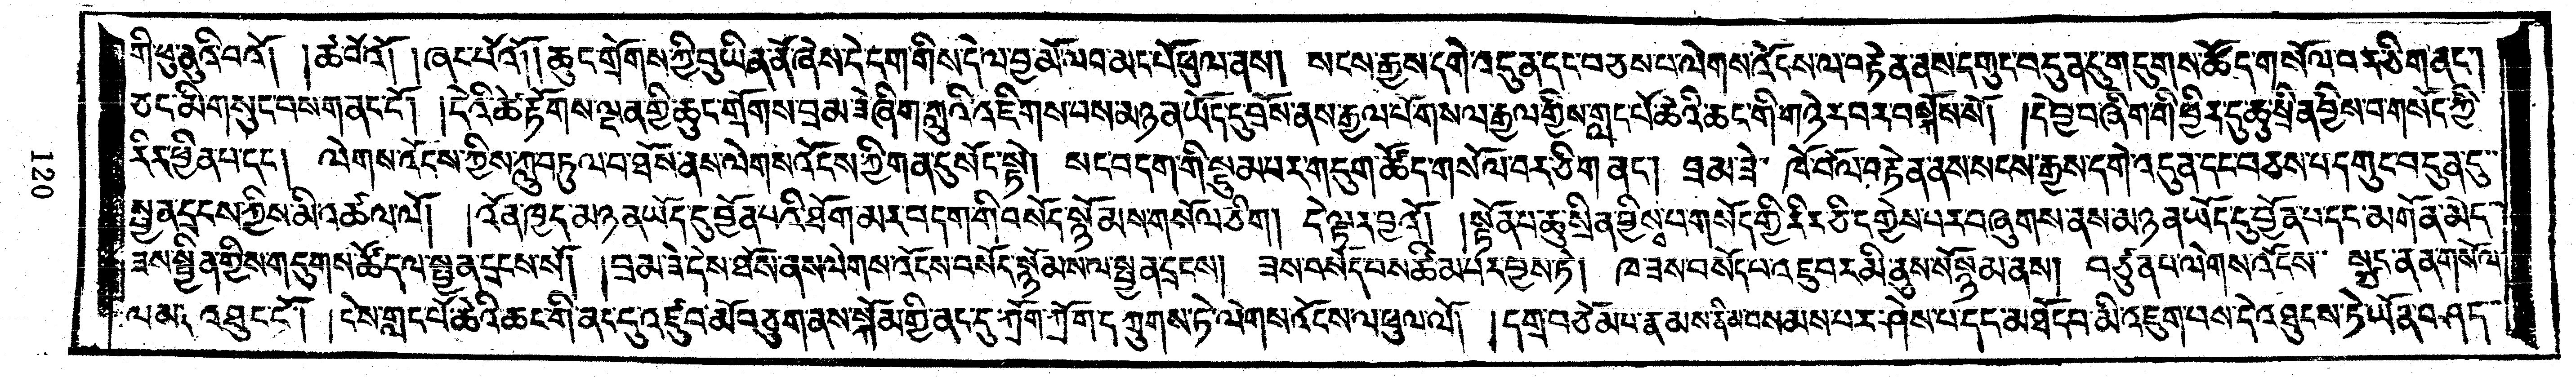གི་ཕུ་ནུའི་བའོ། །ཚ་བོའོ། །ཞང་པོའོ། །ཆུང་གྲོགས་ཀྱི་བུ་ཡིན་ནོ་ཞེས་དེ་དག་གིས་དེ་ལ་བྱ་མོ་ལབ་མང་པོ་ཕུལ་ནས། སངས་རྒྱས་དགེ་འདུན་དང་བཅས་པ་ལེགས་འོངས་ལ་བརྟེན་ནས་དགུང་བདུན་དུ་གདུགས་ཚོད་གསོལ་བར་ཅི་གནང་།
ཅང་མི་གསུང་བས་གནང་ངོ། །དེའི་ཚེ་རྟོགས་ལྡན་གྱི་ཆུང་གྲོགས་བྲམ་ཟེ་ཞིག་ཀླུའི་འཇིགས་པས་མཉན་ཡོད་དུ་བྲོས་ནས་རྒྱལ་པོ་གསལ་རྒྱལ་གྱིས་གླང་པོ་ཆེའི་ཆང་གི་གཉེར་བར་བསྐོས་སོ། །དབྱེ་བ་ཞིག་གི་ཕྱིར་དུ་ཆུ་སྲིན་བྱིས་པ་གསོད་ཀྱི་
རིར་ཕྱིན་པ་དང་། ལེགས་འོངས་ཀྱིས་ཀླུ་བཏུལ་བ་ཐོས་ནས་ལེགས་འོངས་ཀྱི་གན་དུ་སོང་སྟེ། སང་བདག་གི་སྡུམ་པར་གདུག་ཚོད་གསོལ་བར་ཅི་གནང་། བྲམ་ཟེ་ཁོ་བོ་ལ་བརྟེན་ནས་སངས་རྒྱས་དགེ་འདུན་དང་བཅས་པ་དགུང་བདུན་དུ་
སྤྱན་དྲངས་ཀྱིས་མི་འཚལ་ལོ། །འོན་ཁྱད་མཉན་ཡོད་དུ་བྱོན་པའི་ཐོག་མར་བདག་གི་བསོད་སྙོམས་གསོལ་ཅིག། དེ་ལྟར་བྱའོ། །སྟོན་པ་ཆུ་སྲིན་བྱིས་པ་གསོད་གྱི་རིར་ཅིང་དགྱེས་པར་བཞུགས་ནས་མཉན་ཡོད་དུ་བྱོན་པ་དང་མགོན་མེད་
ཟས་སྦྱིན་གྱིས་གདུགས་ཚོད་ལ་སྤྱན་དྲངས་སོ། །བྲམ་ཟེ་དེས་ཐོས་ནས་ལེགས་འོངས་བསོད་སྙོམས་ལ་སྤྱན་དྲངས། ཟས་བསོད་པས་ཚིམ་པར་བྱས་ཏེ། ཁ་ཟས་བསོད་པ་འཇུ་བར་མི་ནུས་སོ་སྙམ་ནས། བཙུན་པ་ལེགས་འོངས་སྩད་ནན་གསོལ་
ལམ༑ འཐུང་ངོ། །དེས་གླང་པོ་ཆེའི་ཆང་གི་ནང་དུ་འཛུབ་མོ་བཅུག་ནས་སྐོམ་གྱི་ནང་དུ་ཀྲོག་ཀྲོག་དཀྲུགས་ཏེ་ལེགས་འོངས་ལ་ཕུལ་ལོ། །དགྲ་བཅོམ་པ་རྣམས་ནི་མ་བསམས་པར་ཤེས་པ་དང་མཐོང་བ་མི་འཇུག་པས་དེ་འཐུངས་ཏེ་ཡོན་བཤད་